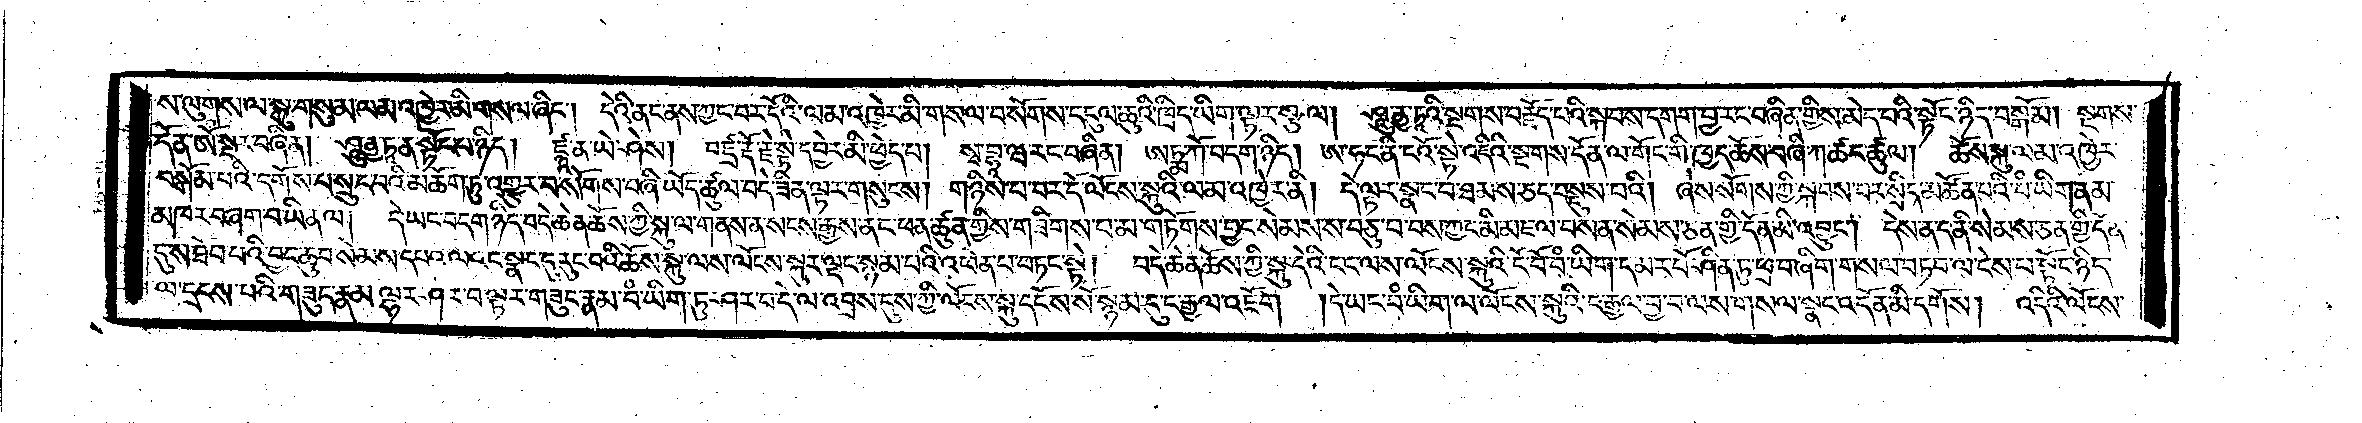ས་ལུགས་ལ་སྐུ་གསུམ་ལམ་འཁྱེར་མི་གསལ་ཞིང་། དེའི་ནང་ནས་ཀྱང་བར་དོའི་ལམ་འཁྱེར་མི་གསལ་བ་སོགས་དངུལ་ཆུའི་ཁྲིད་ཡིག་ལྟར་སྩལ། ཤཱུ་ནྱ་ཏཱའི་སྔགས་བརྗོད་པའི་སྐབས་དགག་བྱ་རང་བཞིན་གྱིས་མེད་པའི་སྟོང་ཉིད་བསྒོམ། སྔགས་
དོན་ཨོཾ་སྔར་བཞིན། ཤཱུ་ནཡ་ཏཱ་ན་སྟོང་པ་ཉིད། ཛྙཱ་ན་ཡེ་ཤེས། བཛྲ་རྡོ་རྗེ་སྟེ་དབྱེར་མི་ཕྱེད་པ། སྭ་བྷཱ་ཝ་རང་བཞིན། ཨཏྨ་ཀོ་བདག་ཉིད། ཨ་ཧང་ནི་ངའོ་སྟེ་འདིའི་སྔགས་དོན་ལ་གོང་གི་ཁྱད་ཆོས་བཞི་ཀ་ཚང་ཚུལ། ཆོས་སྐུ་ལམ་འཁྱེར་
བསྒོམ་པའི་དགོས་པ་སྲུང་བའི་མཆོག་ཏུ་འགྱུར་བ་སོགས་བཞི་ཡོད་ཚུལ་བདེ་ཟིན་ལྟར་གསུངས། གཉིས་པ་བར་དོ་ལོངས་སྐུའི་ལམ་འཁྱེར་ནི། དེ་ལྟར་སྣང་བ་ཐམས་ཅད་བསྡུས་པའི། ཞེས་སོགས་ཀྱི་སྐབས་བར་སྲིད་མཚོན་པའི་བཾ་ཡིག་ནམ་
མཁར་བཞག་པ་ཡིན་ལ། དེ་ཡང་བདག་ཉིད་བདེ་ཆེན་ཆོས་ཀྱི་སྐུ་ལ་གནས་ན་སངས་རྒྱས་ནང་ཕན་ཚུན་གྱིས་གཟིགས་པ་མ་གཏོགས་བྱང་སེམས་ས་བཅུ་པ་བས་ཀྱང་མི་མཇལ་བས་ན་སེམས་ཅན་གྱི་དོན་མི་འབྱུང་། དེས་ན་ད་ནི་སེམས་ཅན་གྱི་དོན་
དུ་ས་ཐོབ་པའི་བྱང་ཆུབ་སེམས་དཔའ་ལའང་སྣང་དུ་རུང་བའི་ཆོས་སྐུ་ལས་ལོངས་སྐུར་ལྡང་སྙམ་པའི་འཕེན་པ་བཏང་སྟེ། བདེ་ཆེན་ཆོས་ཀྱི་སྐུ་དེའི་ངང་ལས་ལོངས་སྐུའི་ངོ་བོ་བཾ་ཡིག་དམར་པོ་ཤིན་ཏུ་ཕྲ་བ་ཞིག་གསལ་བཏབ་ལ་ངེས་པ་སྟོང་ཉིད་
ལ་དྲངས་པའི་གཟུང་རྣམ་ལྷར་ཤར་བ་ལྟར་གཟུང་རྣམ་བཾ་ཡིག་ཏུ་ཤར་བ་དེ་ལ་འབྲས་དུས་ཀྱི་ལོངས་སྐུ་དངོས་སོ་སྙམ་དུ་ང་རྒྱལ་འཇོག །དེ་ཡང་བཾ་ཡིག་ལ་ལོངས་སྐུའི་ང་རྒྱལ་བྱ་བ་ལས་གསལ་སྣང་འདོན་མི་དགོས། འདིའི་ལོངས་